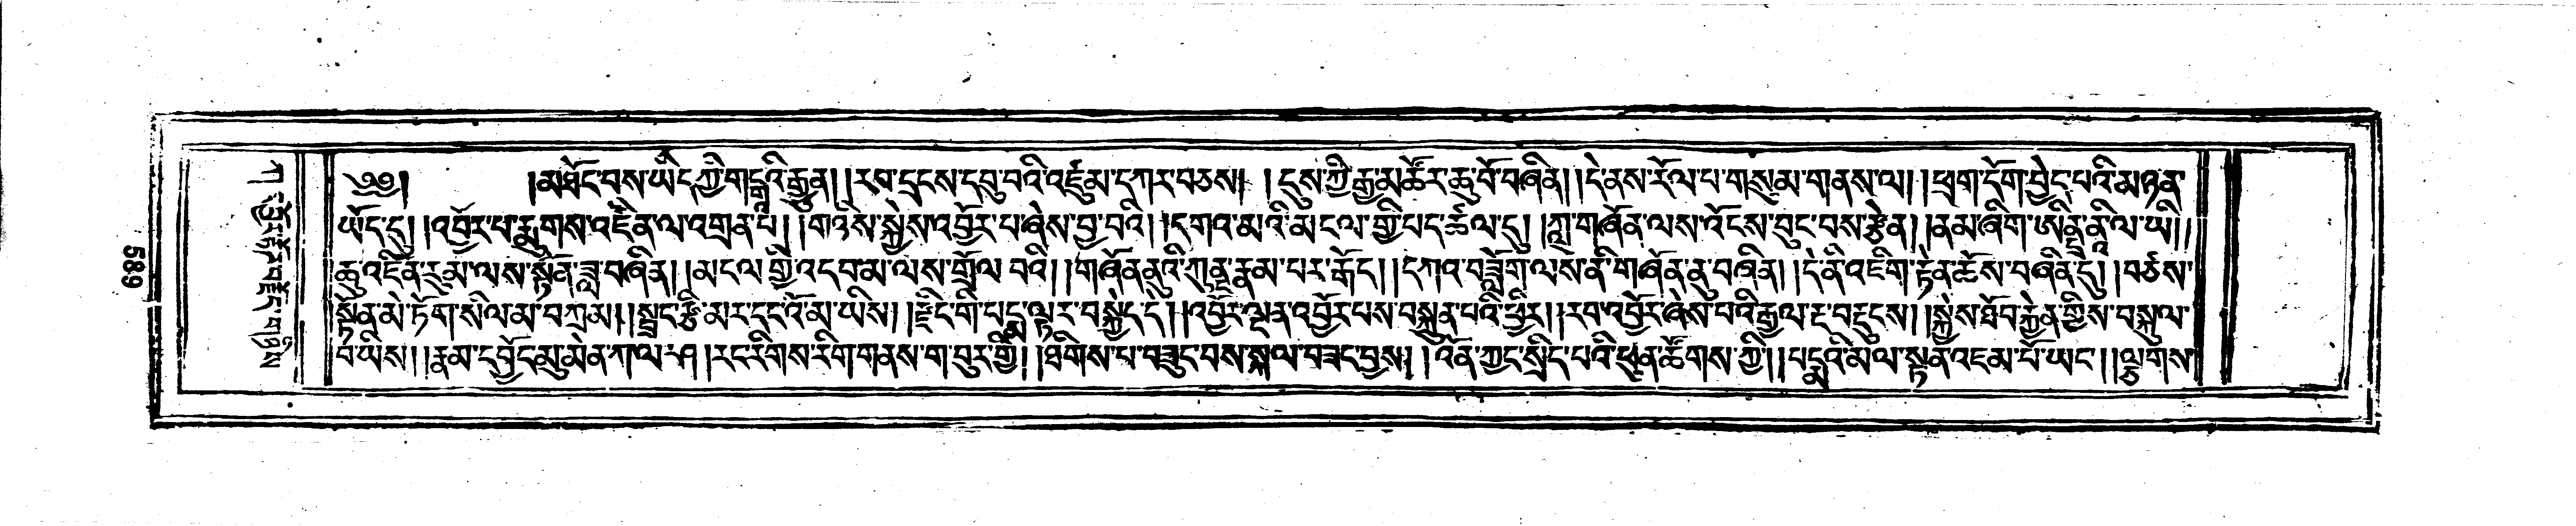༄༅། །མཐོང་བས་ཡིད་ཀྱི་གངྒཱའི་རྒྱུན། །རབ་དྲངས་དབུ་བའི་འཛུམ་དཀར་བཅས། །དུས་ཀྱི་རྒྱ་མཚོར་ཆུ་བོ་བཞིན། །དེ་ནས་རོལ་པ་གསུམ་གནས་ལ། །ཕྲག་དོག་བྱེད་པའི་མཉན་
ཡོད་དུ། །འབྱོར་པ་རྨུགས་འཛིན་ལ་འགྲན་པ། །གཉིས་སྐྱེས་འབྱོར་པ་ཞེས་བྱ་བའི། །དགའ་མའི་མངལ་གྱི་པད་ཚལ་དུ། །ཀླུ་གཞོན་ལས་འོངས་བུང་བས་རྩེན། །ནམ་ཞིག་ཨིནྡྲ་ནཱི་ལ་ཡི། །
ཆུ་འཛིན་རུམ་ལས་སྟོན་ཟླ་བཞིན། །མངལ་གྱི་འདབ་མ་ལས་གྲོལ་བའི། །གཞོན་ནུའི་ཀུནྡ་རྣམ་པར་རྒོད། །དཀའ་བཟློག་ལས་ནི་གཞོན་ནུ་བཞིན། །ད་ནི་འཇིག་རྟེན་ཆོས་བཞིན་དུ། །བཙས་
སྟོན་མེ་ཏོག་སིལ་མ་བཀྲམ། །སྦྲང་རྩི་མར་དང་འོ་མ་ཡིས། །རྫིང་གི་པདམ་ལྟར་བསྐྱེད་དེ། །འབྱོར་ལྡན་འབྱོར་པས་བསྐྲུན་པའི་ཕྱིར། །རབ་འབྱོར་ཞེས་པའི་རྒྱལ་རྔ་བརྡུངས། །སྐྱེས་ཐོབ་རྐྱེན་གྱིས་བསྐུལ་
བ་ཡིས། །རྣམ་དཔྱོད་མུ་མེན་ཀ་ལ་ཤ། རང་རིགས་རིག་གནས་ག་བུར་གྱི། །ཐིགས་པ་བཟུང་བས་སྐལ་བཟང་བྱས། །འོན་ཀྱང་སྲིད་པའི་ཕུན་ཚོགས་ཀྱི། །པདམའི་མལ་སྟན་འཇམ་པོ་ཡང་། །ལྕགས་